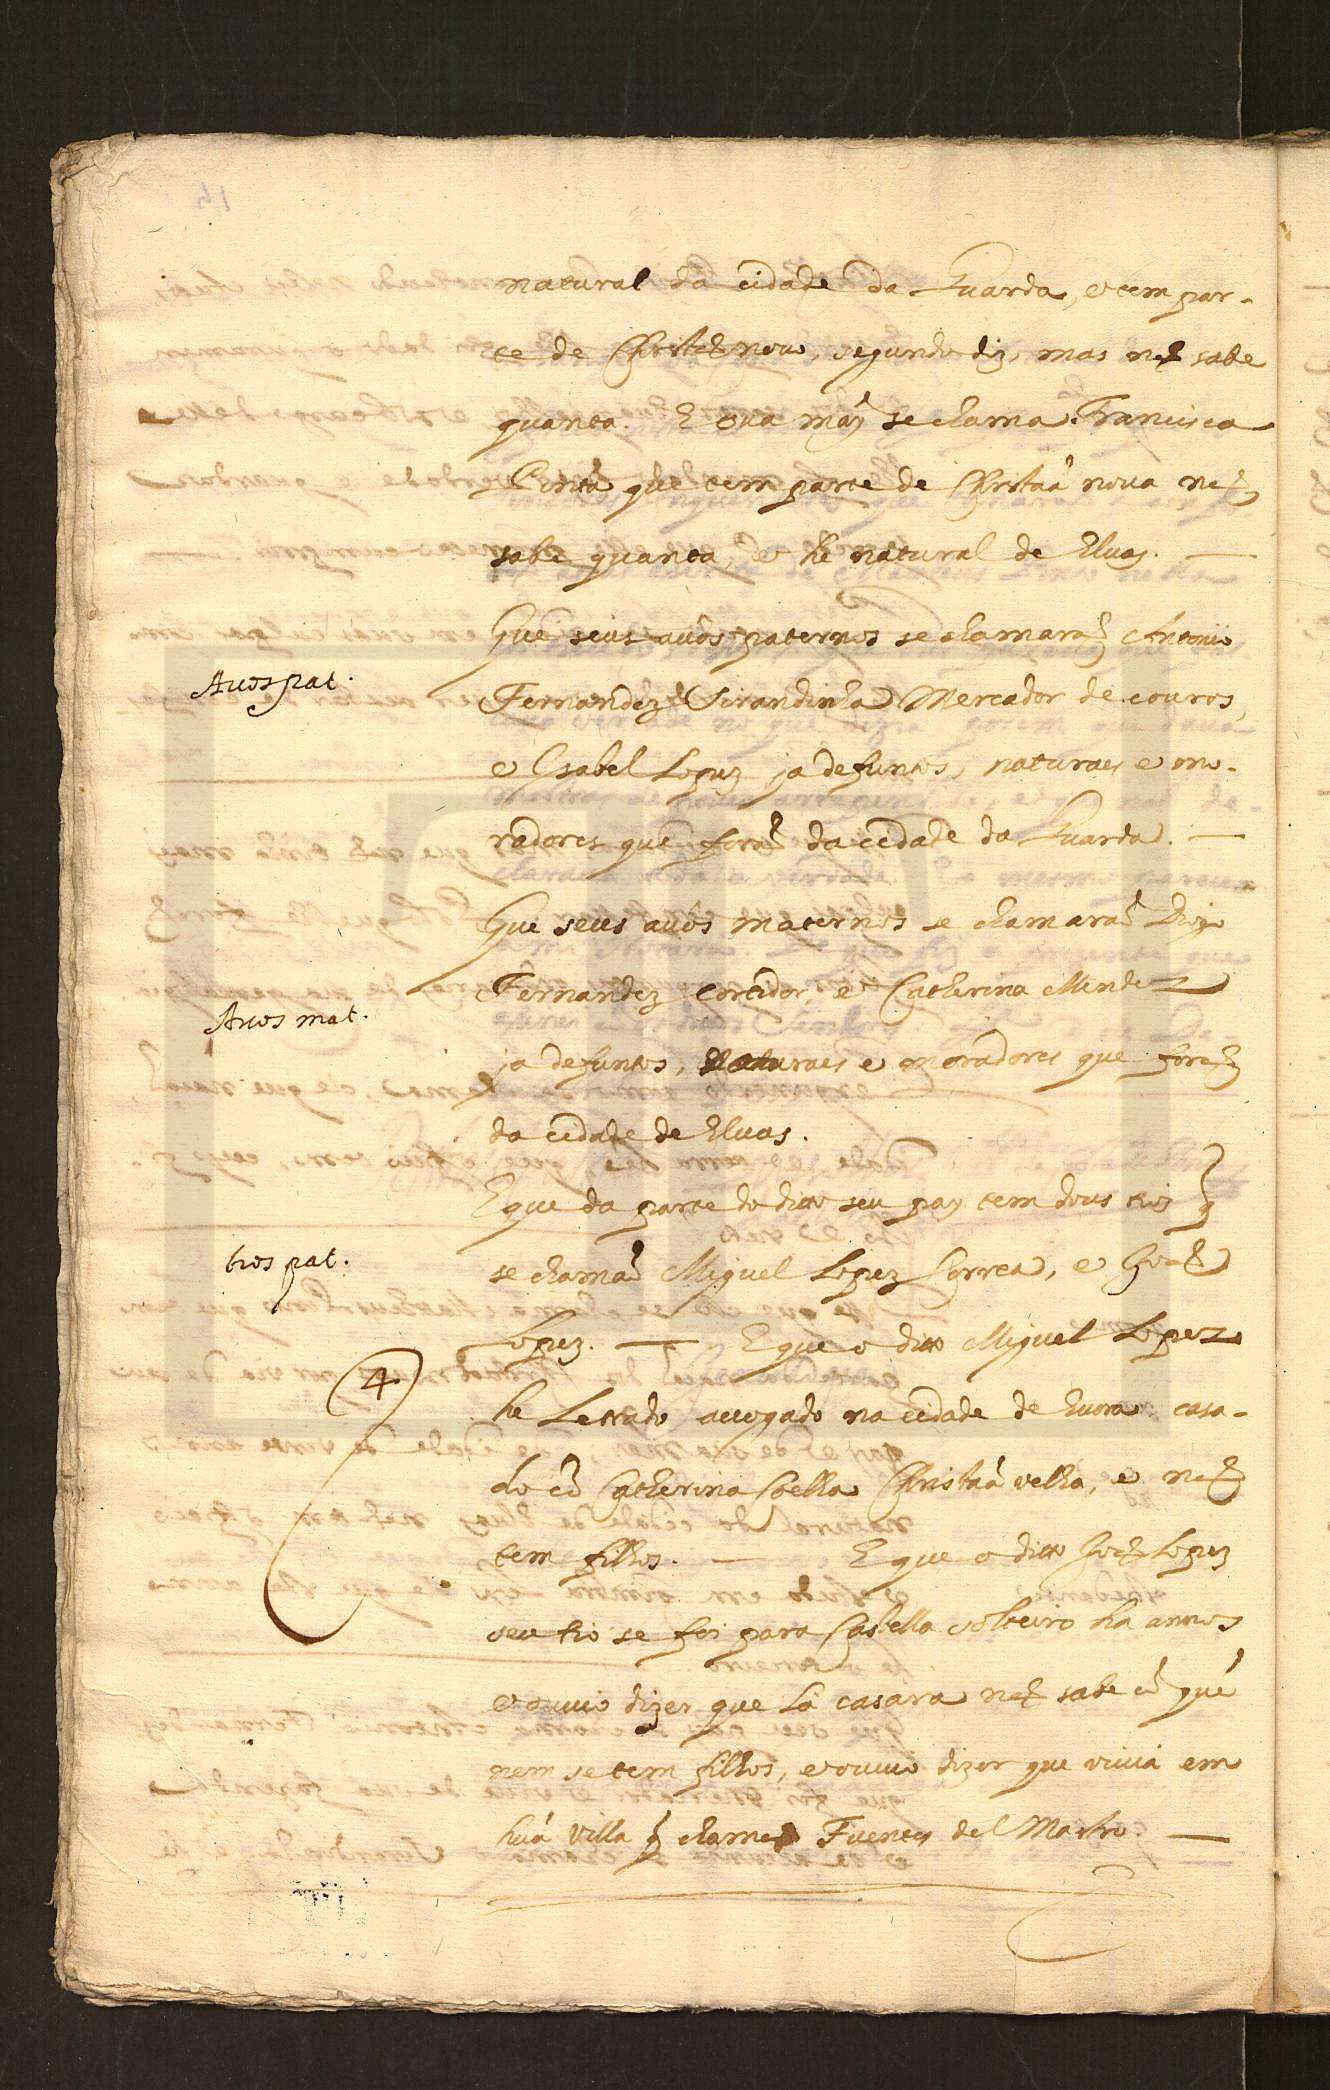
natural da cidade da Guarda, e tem par
te de Christaõ nouo, segundo diz, mas naõ sabe
quanta. E sua may se chama Francisca
Pinta que tem parte de Christaã noua naõ
sabe quanto, e he natural de Eluas.
Que seus auos paternos se chamaraõ Antonio
Fernandez Sirandinha Mercador de couros,
e Jsabel Lopez ja defuntos, naturaes e mo
radores que foraõ da cidade da Guarda.
Que seus auos maternos se chamaraõ Diogo
Fernandez cortidor, e Catherina Mendez
ja defuntos, naturaes e moradores que foraõ
da cidade de Eluas.
E que da parte do ditto seu pay tem dous tios q̄
se chamaõ Miguel Lopez Correa, e Joaõ
Lopez. ‒ E que o ditto Miguel Lopez
he Letrado auogado na cidade de Euora casa
do cō Catherina Coelha Christaã velha, e naõ
tem filhos. ‒ E que o ditto Joaõ Lopez
seu tio se foi para Castella solteiro ha annos
e ouuio dizer que la casara naõ sabe cō quē
nem se tem filhos, e ouuio dizer que viuia em
huā villa q̄ chama_ Fuentes del Mastro.
Auos pat.
Auos mat.
tios pat.
4
